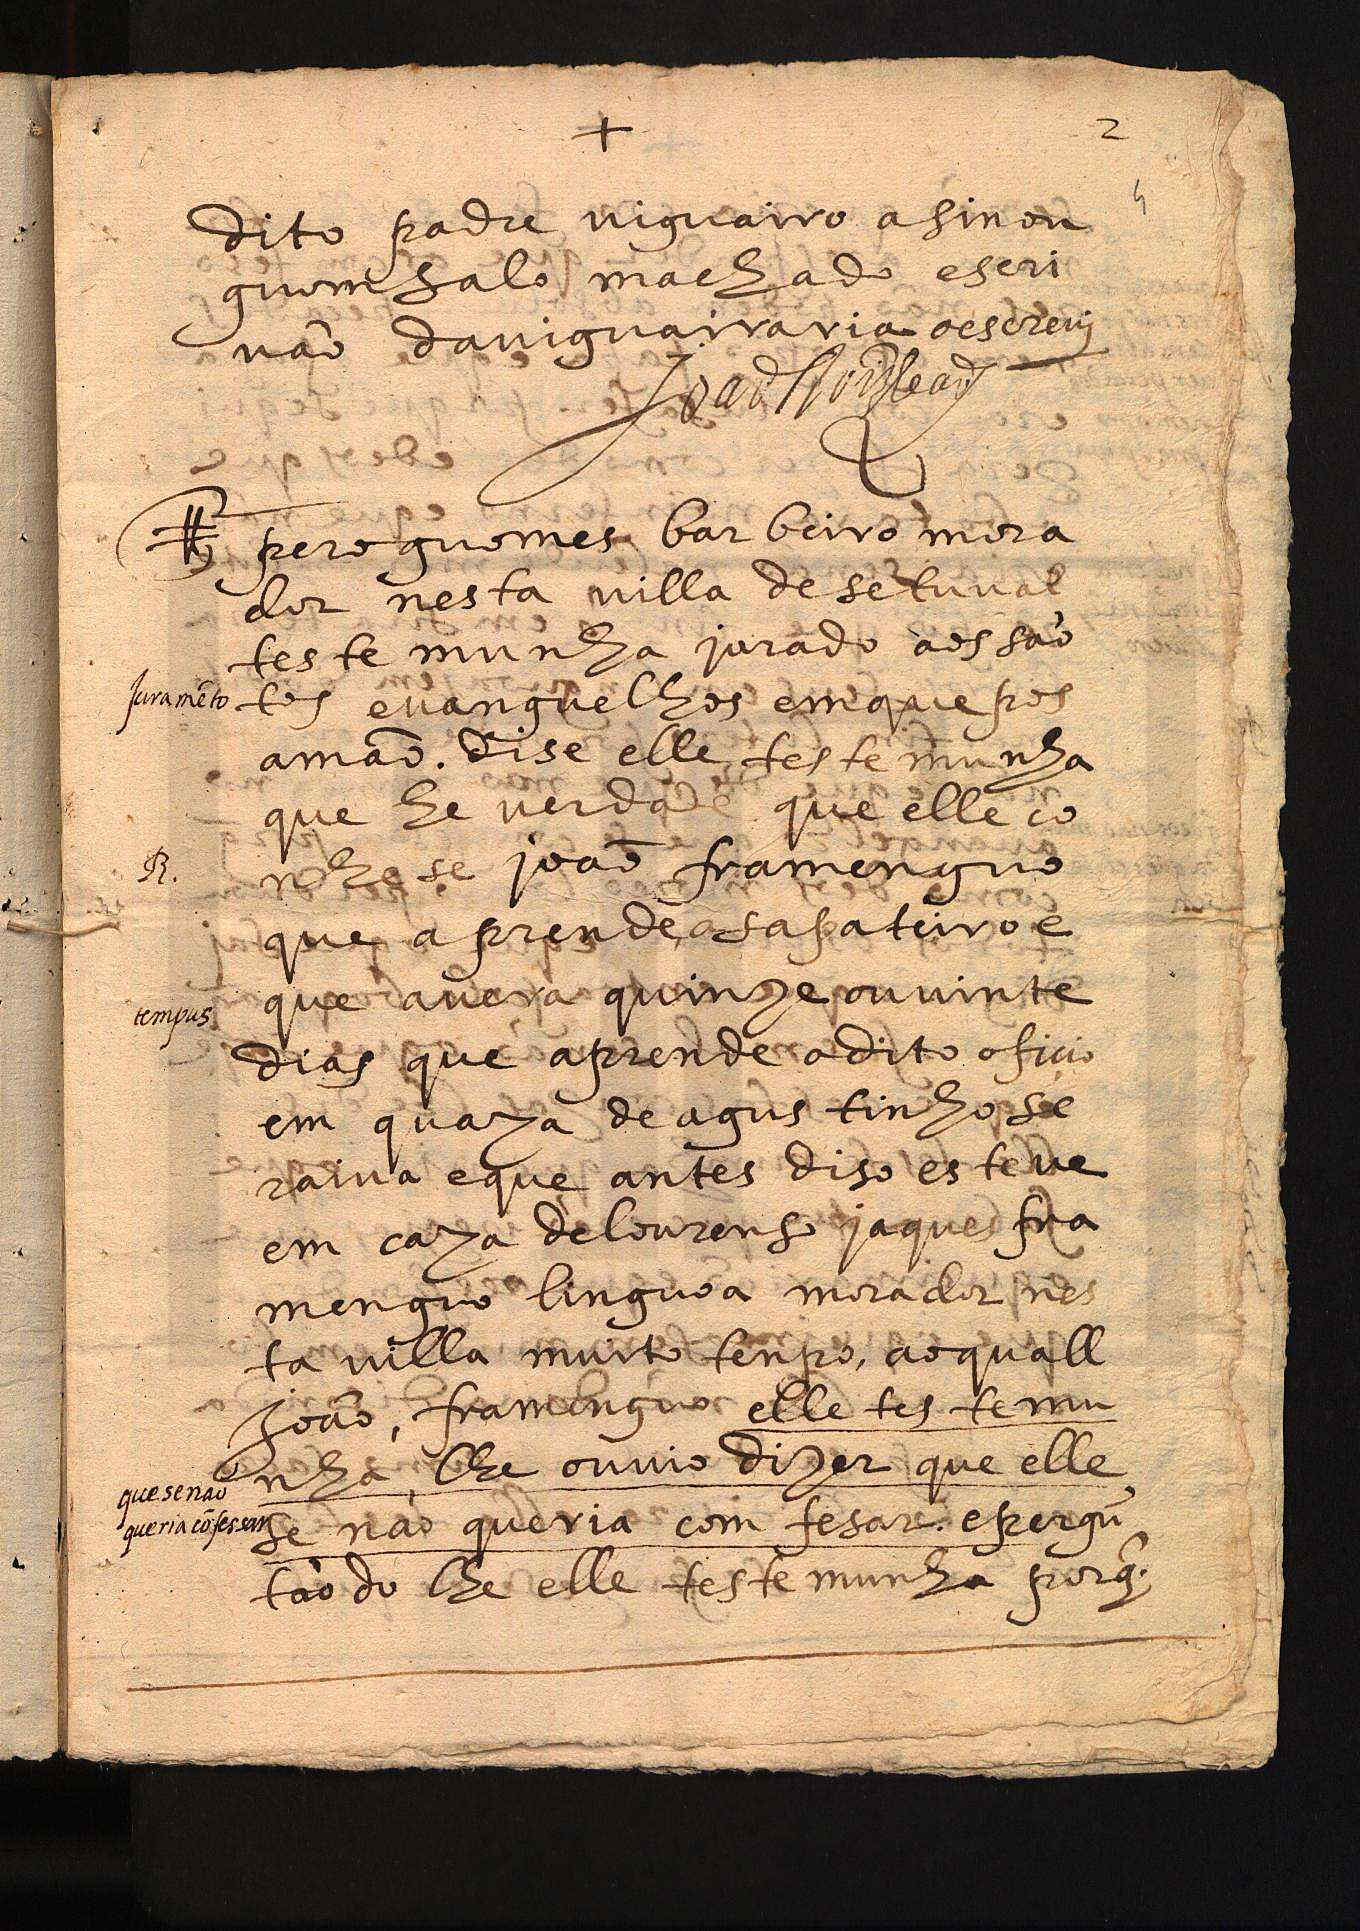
dito padre uiguairo asinou
guomsalo machado escri
uaõ dauiguairaria o escreuj
Joaõ Roīs leaõ
item pero guomes barbeiro mora
dor nesta uilla de setuual
testemunha jurado aos saõ
Juramēto
tos euanguelhos em que pos
a mão. dise elle testemunha
que he uerdade que elle co
nhese Joaõ framenguo
R.
que aprende a sapateiro e
que auera quinze ou uinte
tempus
dias que aprende o dito oficio
em quaza de agustinho se
raiua e que antes diso esteue
em caza de lourenso jaques fra
menguo linguoa morador nes
ta uilla muito tenpo, ao quall
João, framenguo elle testemu
nha lhe ouuio dizer que elle
que se naõ
queria cōfessar
se naõ queria comfesar e pergū
tãodo lhe elle testemunha porq̄.
